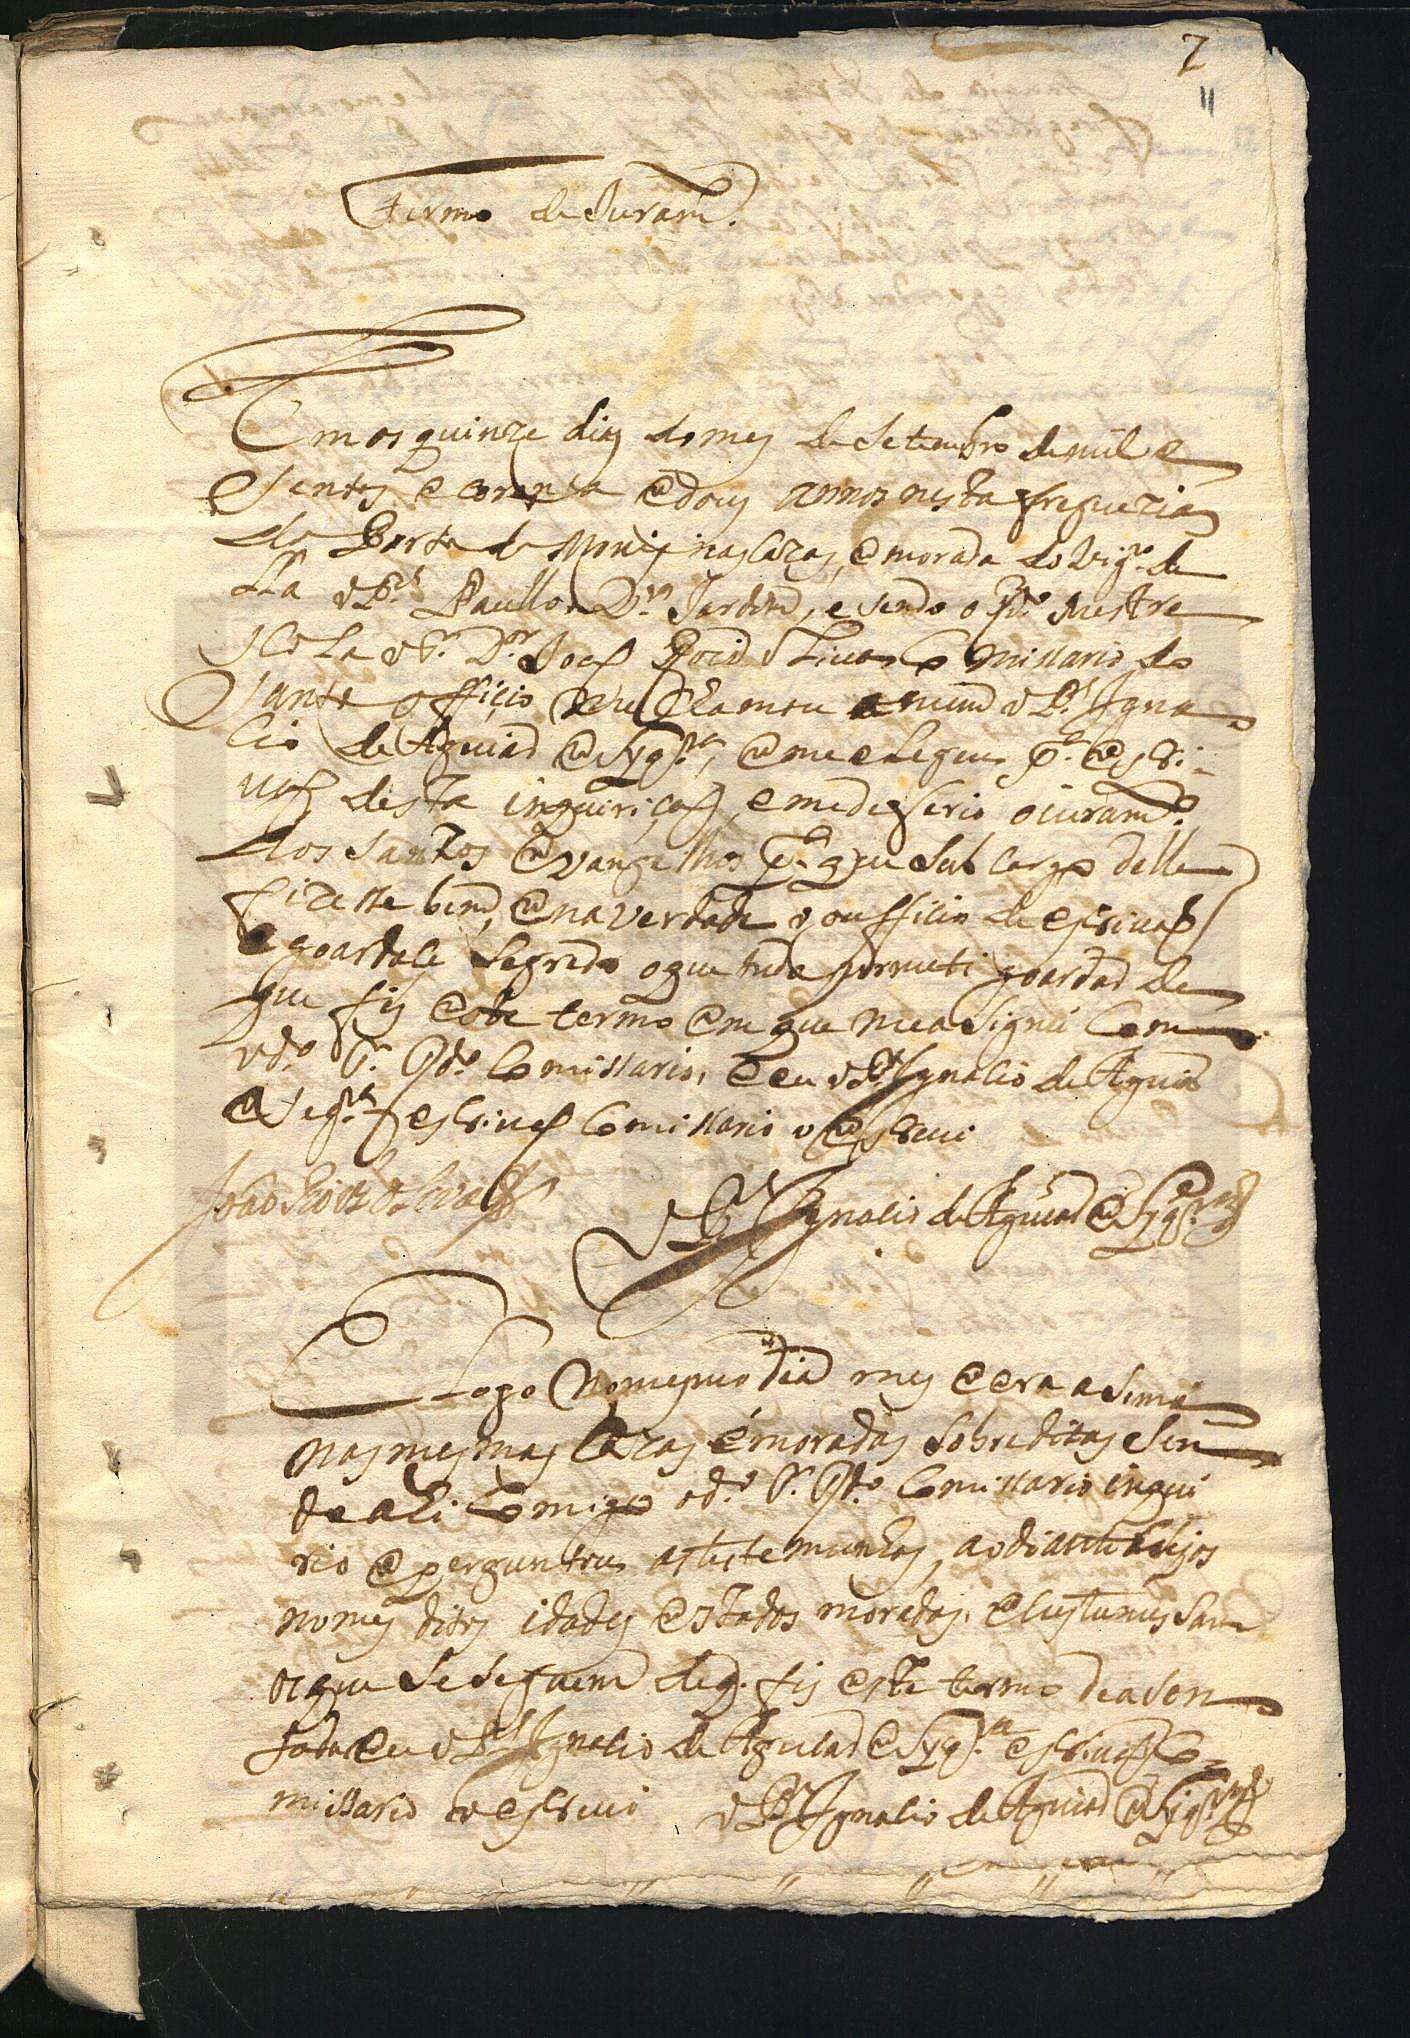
Termo de Iuram.to
Em os quinze dias do mes de Setembro de mil e
Sentos e corenta e dous annos nesta freguezia
do Porto de Monis nas Cazas, e morada do Vig.ro de
lla o P.e Paullo V.ra Iardim, e sendo o R.do Mestre
sCola o s.r Do.r Ioaꝭ Rois̄ oLiua Comissario do
Santo officio me chamou a mim o P.e Jgna
Cio de Aguiar e Syq.ra, e me eLegeu p.a escri
uaõ desta inquiriçaꝭ, e me deferio o iuram.to
Aos santos Evangelhos p.a que sub cargo delle
fizesse bem, e na verdade o oufficio de esciuaõ
e goardace segredo o que tuda pormeti goardar de
que fis este termo em que me asignei Com
o d.o s.r Rd.o Comissario, e eu o P.e Ignacio de Aguiar
e seq.ra esCriuaꝭ Comissario o esreui
Joaõ Roiz̄ OLiva
O P.e Jgnacio de Aguiar e Syq.ra
E Logo no mesmo dia mes e era asima
nas mesmas Cazas e moradas sobreditas sen
do ahi Comigo o d.o s.r R.do Comissario inqui
rio e perguntou as testemunhas, ao diante Cujos
nomes ditos idades estados moradas, e custumes sam
os que se seguem de q̄. fis este termo de asen
tada eu o P.e Jgnacio de Aguiar e Syq.ra escriuaꝭ Co
missario o escreui
o Pe Jgnacio de Aguiar e Syq.ra
